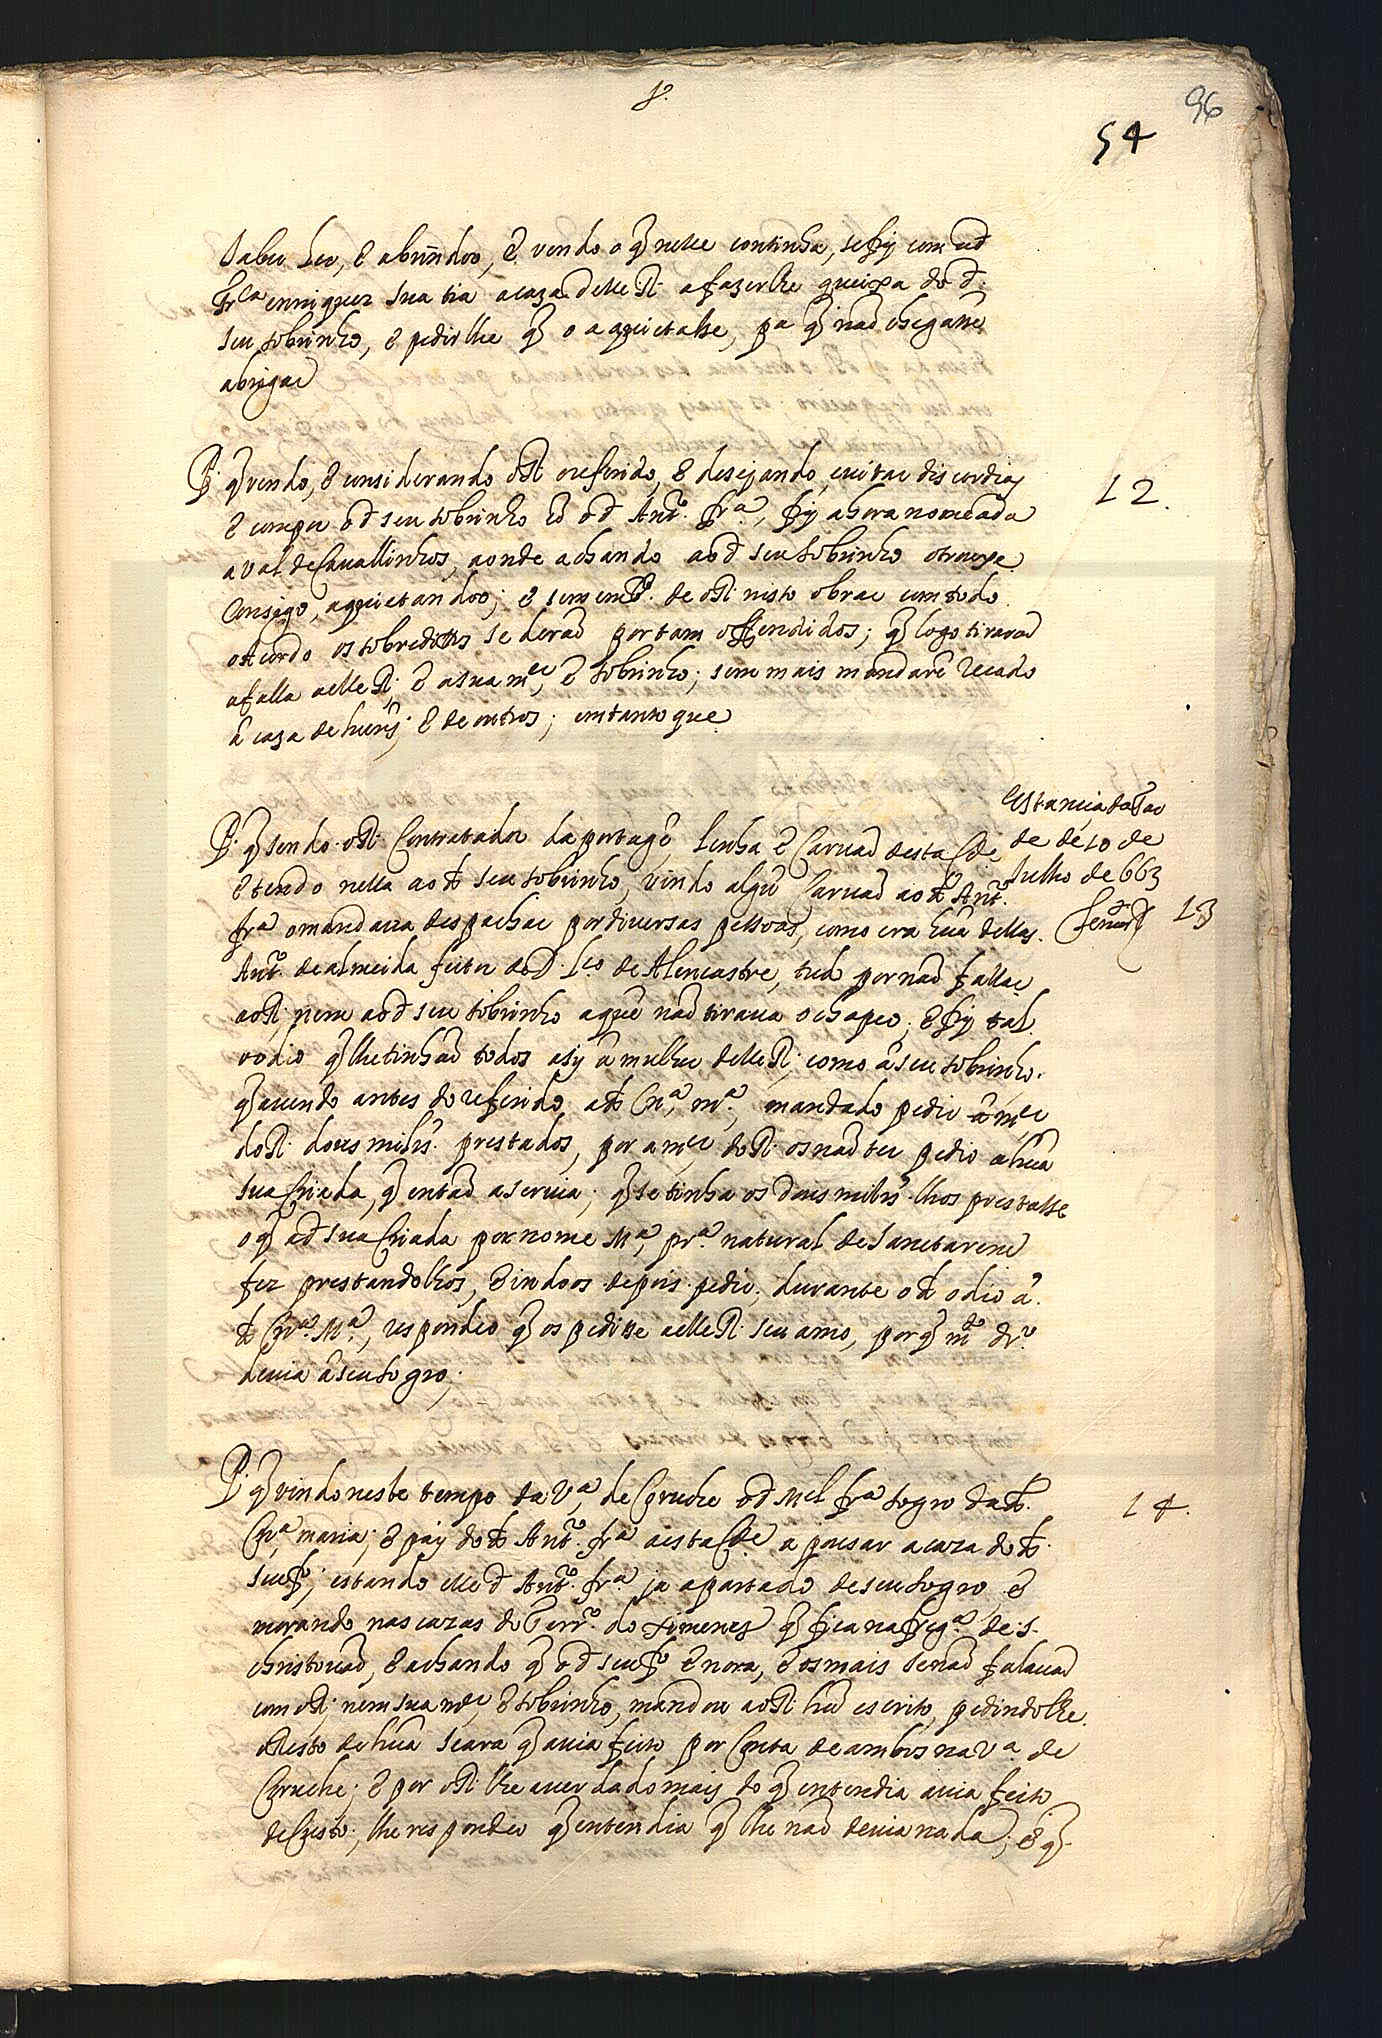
Saber Ler, e abrindoo, e vendo o q̄ nelle continha, se foy com a d̄
Frca enrriquez sua tia a caza delle R. a fazerlhe queixa do d̄
seu sobrinho, e pedirlhe q̄ o aquietasse, pa q̄ não chegassē
a brigar
P. vendo, e considerando o R o referido, e desejando euitar discordias
e compor o d̄ seu sobrinho cō o d̄ Anto. fra., foy a hora nomeada
a val de Cauallinhos, aonde achando ao d̄ seu Sobrinho o trouxe
consigo, aquietandoo; e sem embo. de o R. nisto obrar com todo
o Acordo os sobredittos se derão por tam offendidos; q̄ logo tiraraõ
a falla a elle R; e a sua mer, e sobrinho; sem mais mandarē Recado
â caza de huns̄; e de outros; em tanto que
P. q̄ sendo o R. Contratador da portagē, Lenha e Caruaõ desta Cde.
e tendo nella ao d̄ seu sobrinho, vindo algū Caruaõ ao d̄ Anto.
fra o mandaua despachar por diuersas pessoas, como era huā dellas
Anto. de almeida feitor de D. L.co de Alencastre, tudo por não fallar
ao R; nem ao d̄ seu sobrinho a quē nãoaõ tiraua o chapeo; e foy taL
o odio q̄ lhe tinhão todos asy â mulher delle R; como â seu sobrinho;
q̄ auendo antes do referido a d̄ Cna, ma., mandado pedir â mer
do R. dous mil rs̄. prestados, por a mer, do R. os naõ ter pedio a huā
sua Criada, q̄ então a seruia; q̄ se tinha os dous mil rs̄ lhos prestasse
o q̄ a d̄ sua Criada por nome Ma pra. natural de Sanctarem
fez prestandolhos, e indoos depois pedir, durante o d̄ odio á
d̄ Cna. Ma., respondeo q̄ os pedisse a elle R. seu amo, porq̄ mto dr.o
deuia â seu sogro;
P. q̄ vindo neste tempo da Va, de Coruche o d̄ Mel fra Sogro da d̄
Cna, maria; e pay do d̄ Anto. fra a esta Cde. a pousar a caza do d̄
seu fo; estando elle d̄ Anto. fra. ja apartado de seu Sogro; e
morando nas cazas do Terr.o do Ximenez q̄ fica na freg.a de S.
christouão, e achando q̄ o d̄ seu fo e nora, e os mais se não falauão
com o R: nem sua mer, e sobrinho, mandou ao R, hū escrito, pedindolhe
o Resto de hūa Seara q̄ auia feito por Conta de ambos na Va. de
Coruche; e por o R. lhe auer dado mais do q̄ entendia auia feito
de Custo; lhe respondeo q̄ entendia q̄ lhe não deuia nada; e q̄.
Estançia da Tar
de de 10 de
Iulho de 663
